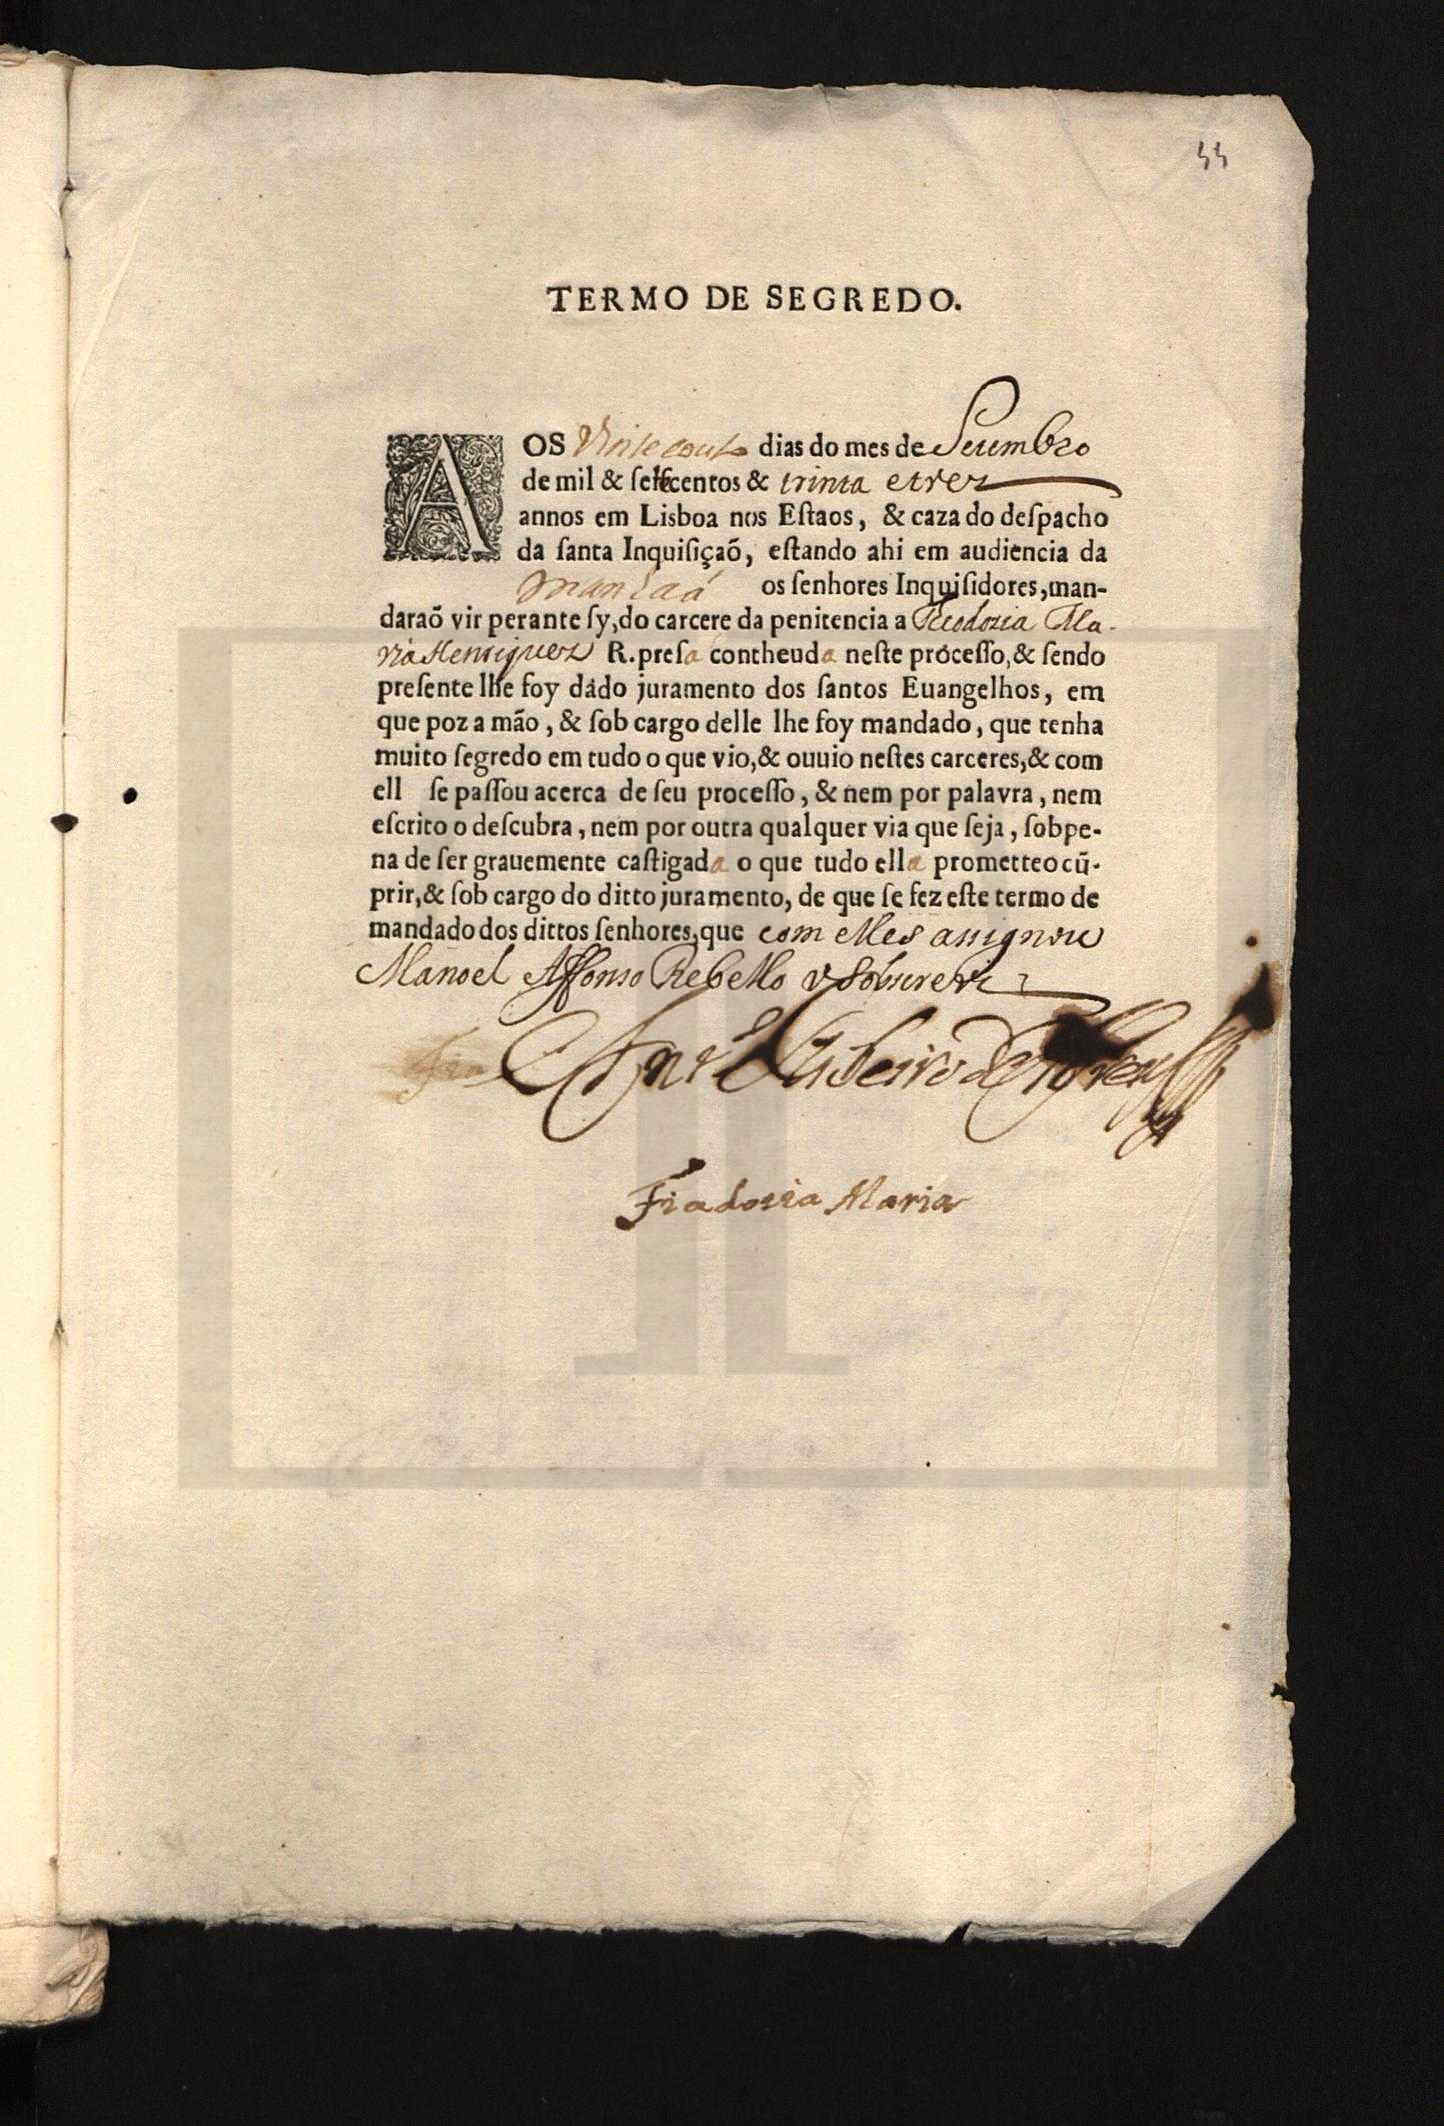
TERMO DE SEGREDO.
os Vinte e outo dias do mes de Setembro
de mil & setecentos & trinta e trez
annos em Lisboa nos Estaos, & caza do despacho
da santa Inquisiçaõ, estando ahi em audiencia da
os senhores Inquisidores, man
manhaã
daraõ vir perante sy, do carcere da penitencia a Theodozia Ma
ria Henriquez R. presa contheuda neste processo, & sendo
presente lhe foy dado juramento dos santos Euangelhos, em
que poz a mão, & sob cargo delle lhe foy mandado, que tenha
muito segredo em tudo o que vio, & ouuio nestes carceres, & com
ell se passou acerca de seu processo, & nem por palavra, nem
escrito o descubra, nem por outra qualquer via que seja, sob pe
na de ser grauemente castigada o que tudo ella prometteo cū
prir, & sob cargo do ditto juramento, de que se fez este termo de
mandado dos dittos senhores, que com elles assignou
Manoel Affonso Rebello o Sobscrevi
Anto Rideiro de _reu
Fiadozia Maria
